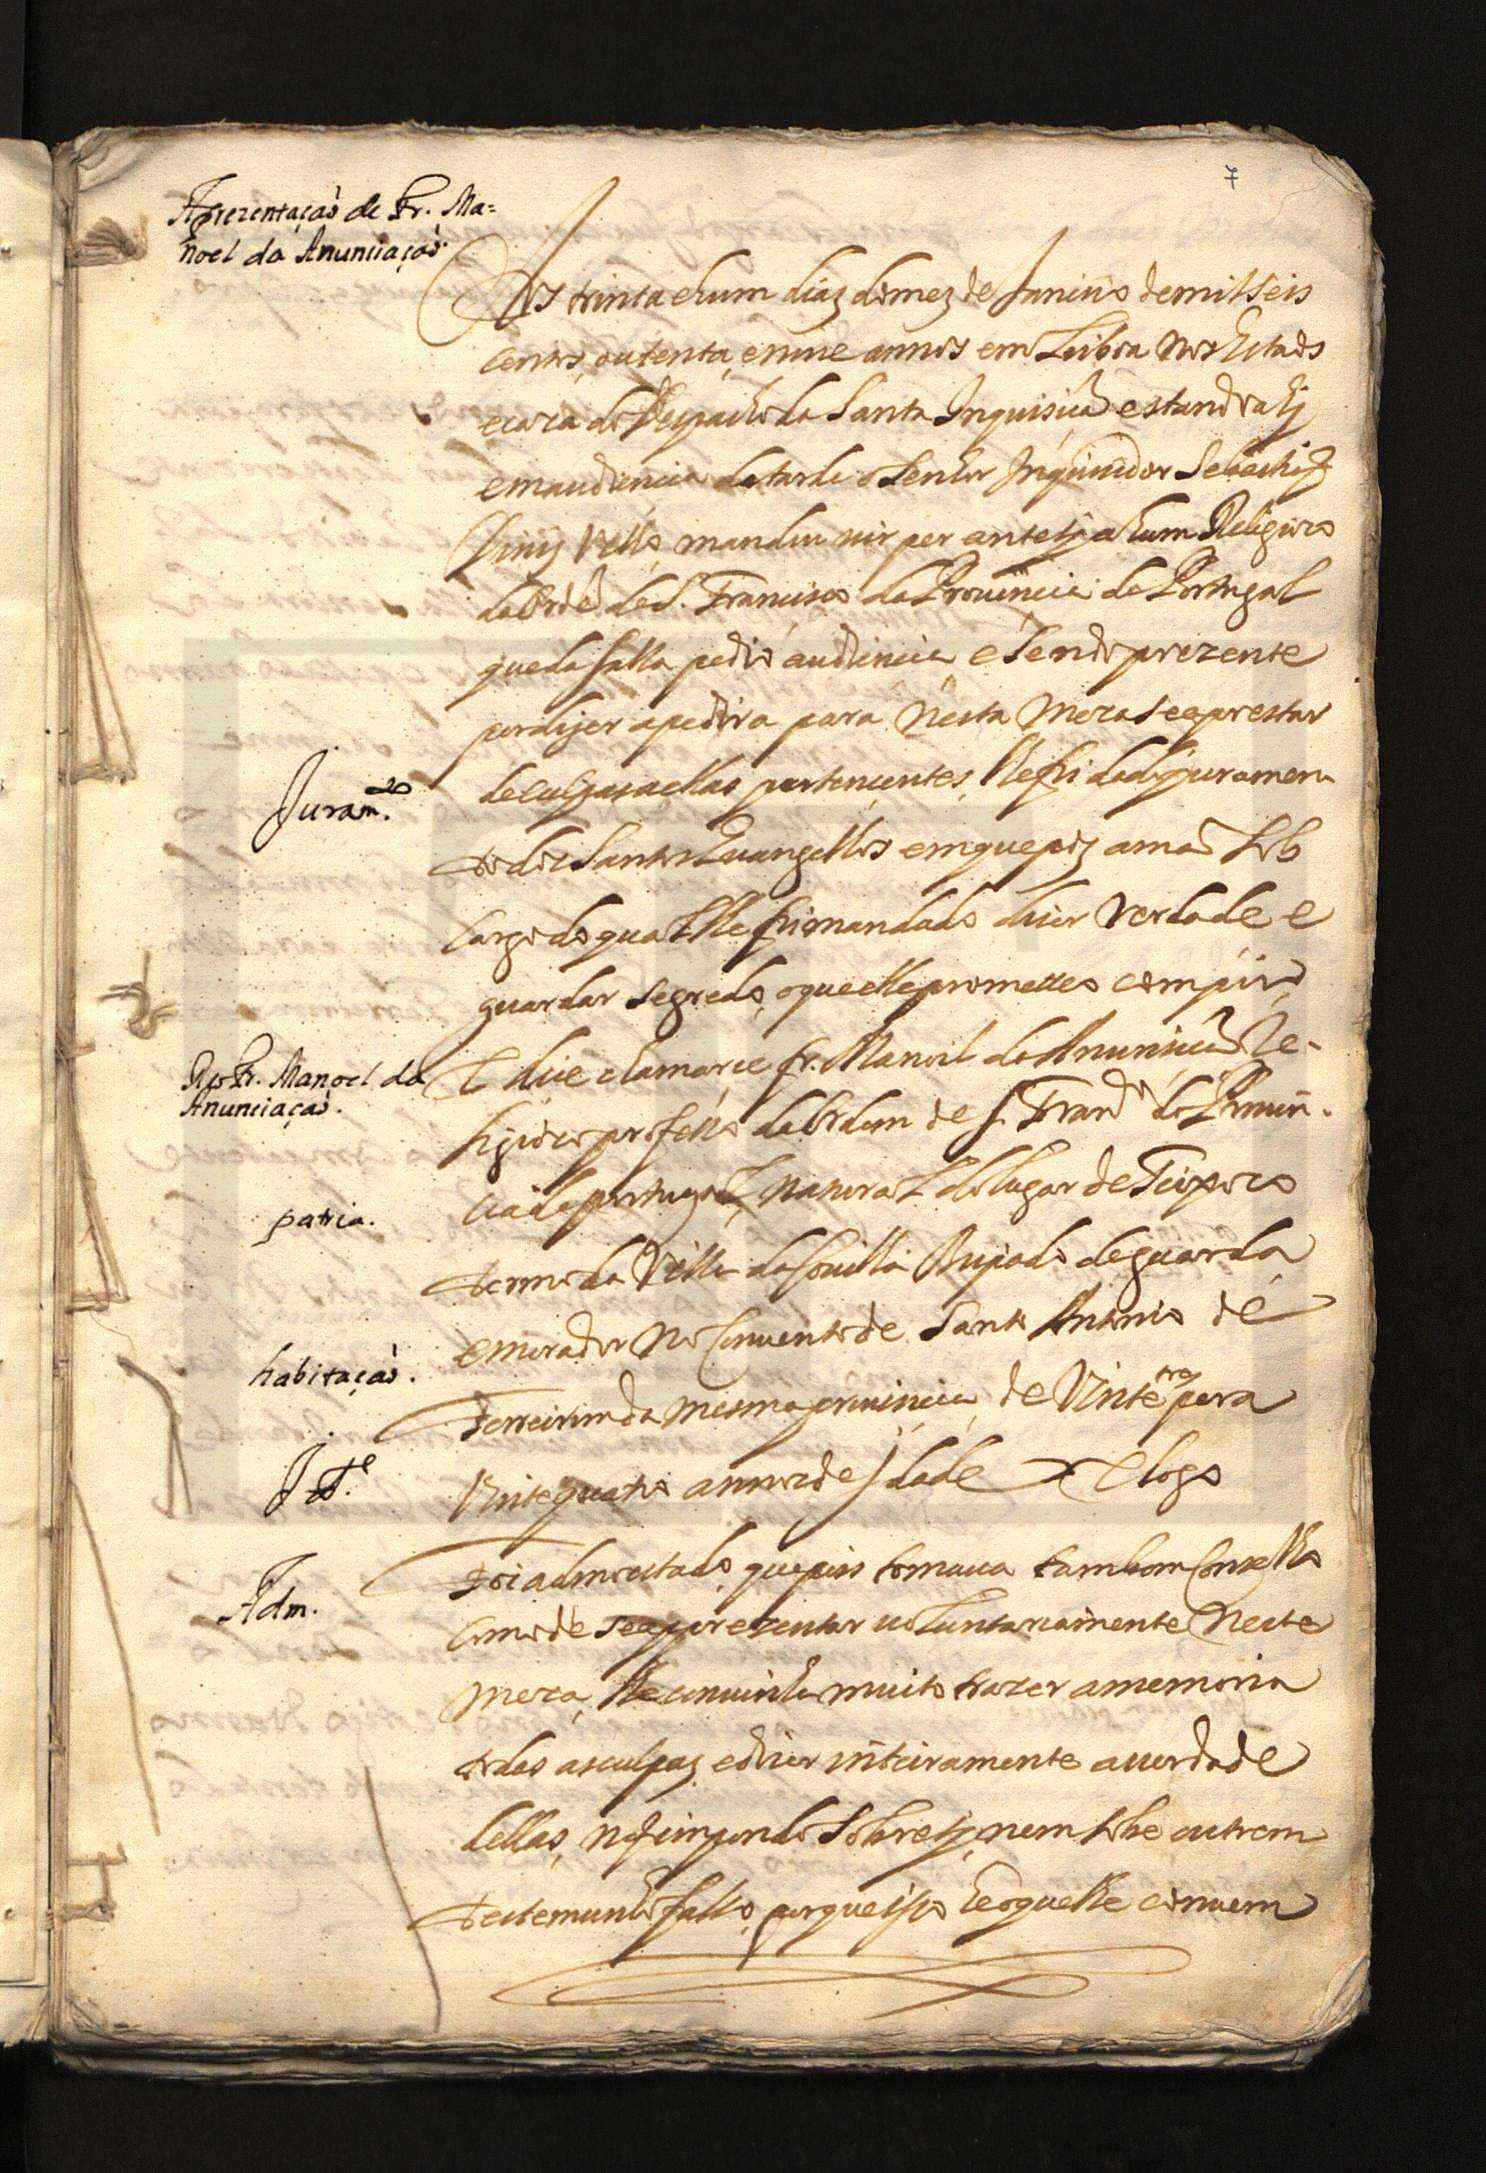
Aprezentaçaõ de Fr. Ma
noel da Anunciaçaõ.
Juram.to
Reo Fr. Manoel da
Anunciaçaõ.
patria.
habitaçaõ
Id̄.e
Adm.
Aos trinta e hum diaz do mez de Janeiro de mil seis
centos, outenta, e noue annos em Lisboa nos Estaos
e caza do Despacho da Santa Inquisição estando ahj
em audiençia da tarde o Senhor Jnquisidor Sebastiaõ
Dinis Velho, mandou uir perante sj a hum Religiozo
da Ordē de S. Françisco da Prouinçia de PortugaL
que da salla pedio audiençia, e sendo prezente
por dizer a pedira para nesta meza se aprestar
de culpas a ellas pertençentes, lhe foi dado juramen
to dos Santos Euangelhos em que poz a maõ sob
Cargo do quaL lhe foi mandado diser verdade, e
guardar segredo, o que elle prometteo comprir,
E diçe chamarçe fr. Manoel da Anunsição Re
ligiozo professo da Ordem de S. Franco da Prouin
cia de portugaL, naturaL do lugar de Teixozo
termo da Villa da Couilha Bispado da guarda
e morador no Conuento de Santo Antonio de
Ferreirim da mesma prouinçia, de vinte
tres
pera
vinte quatro annos de jdade E logo
foi admoestado que pois tomaua tam bom Conselho
como de se apprezentar uoluntariamente nesta
meza, lhe conuinha muito trazer a memoria
todas as culpas e dizer inteiramente a uerdade
dellas, naõ impondo sobre sj, nem sobe outrem
testemunho falso, porque isso he o que lhe conuem
